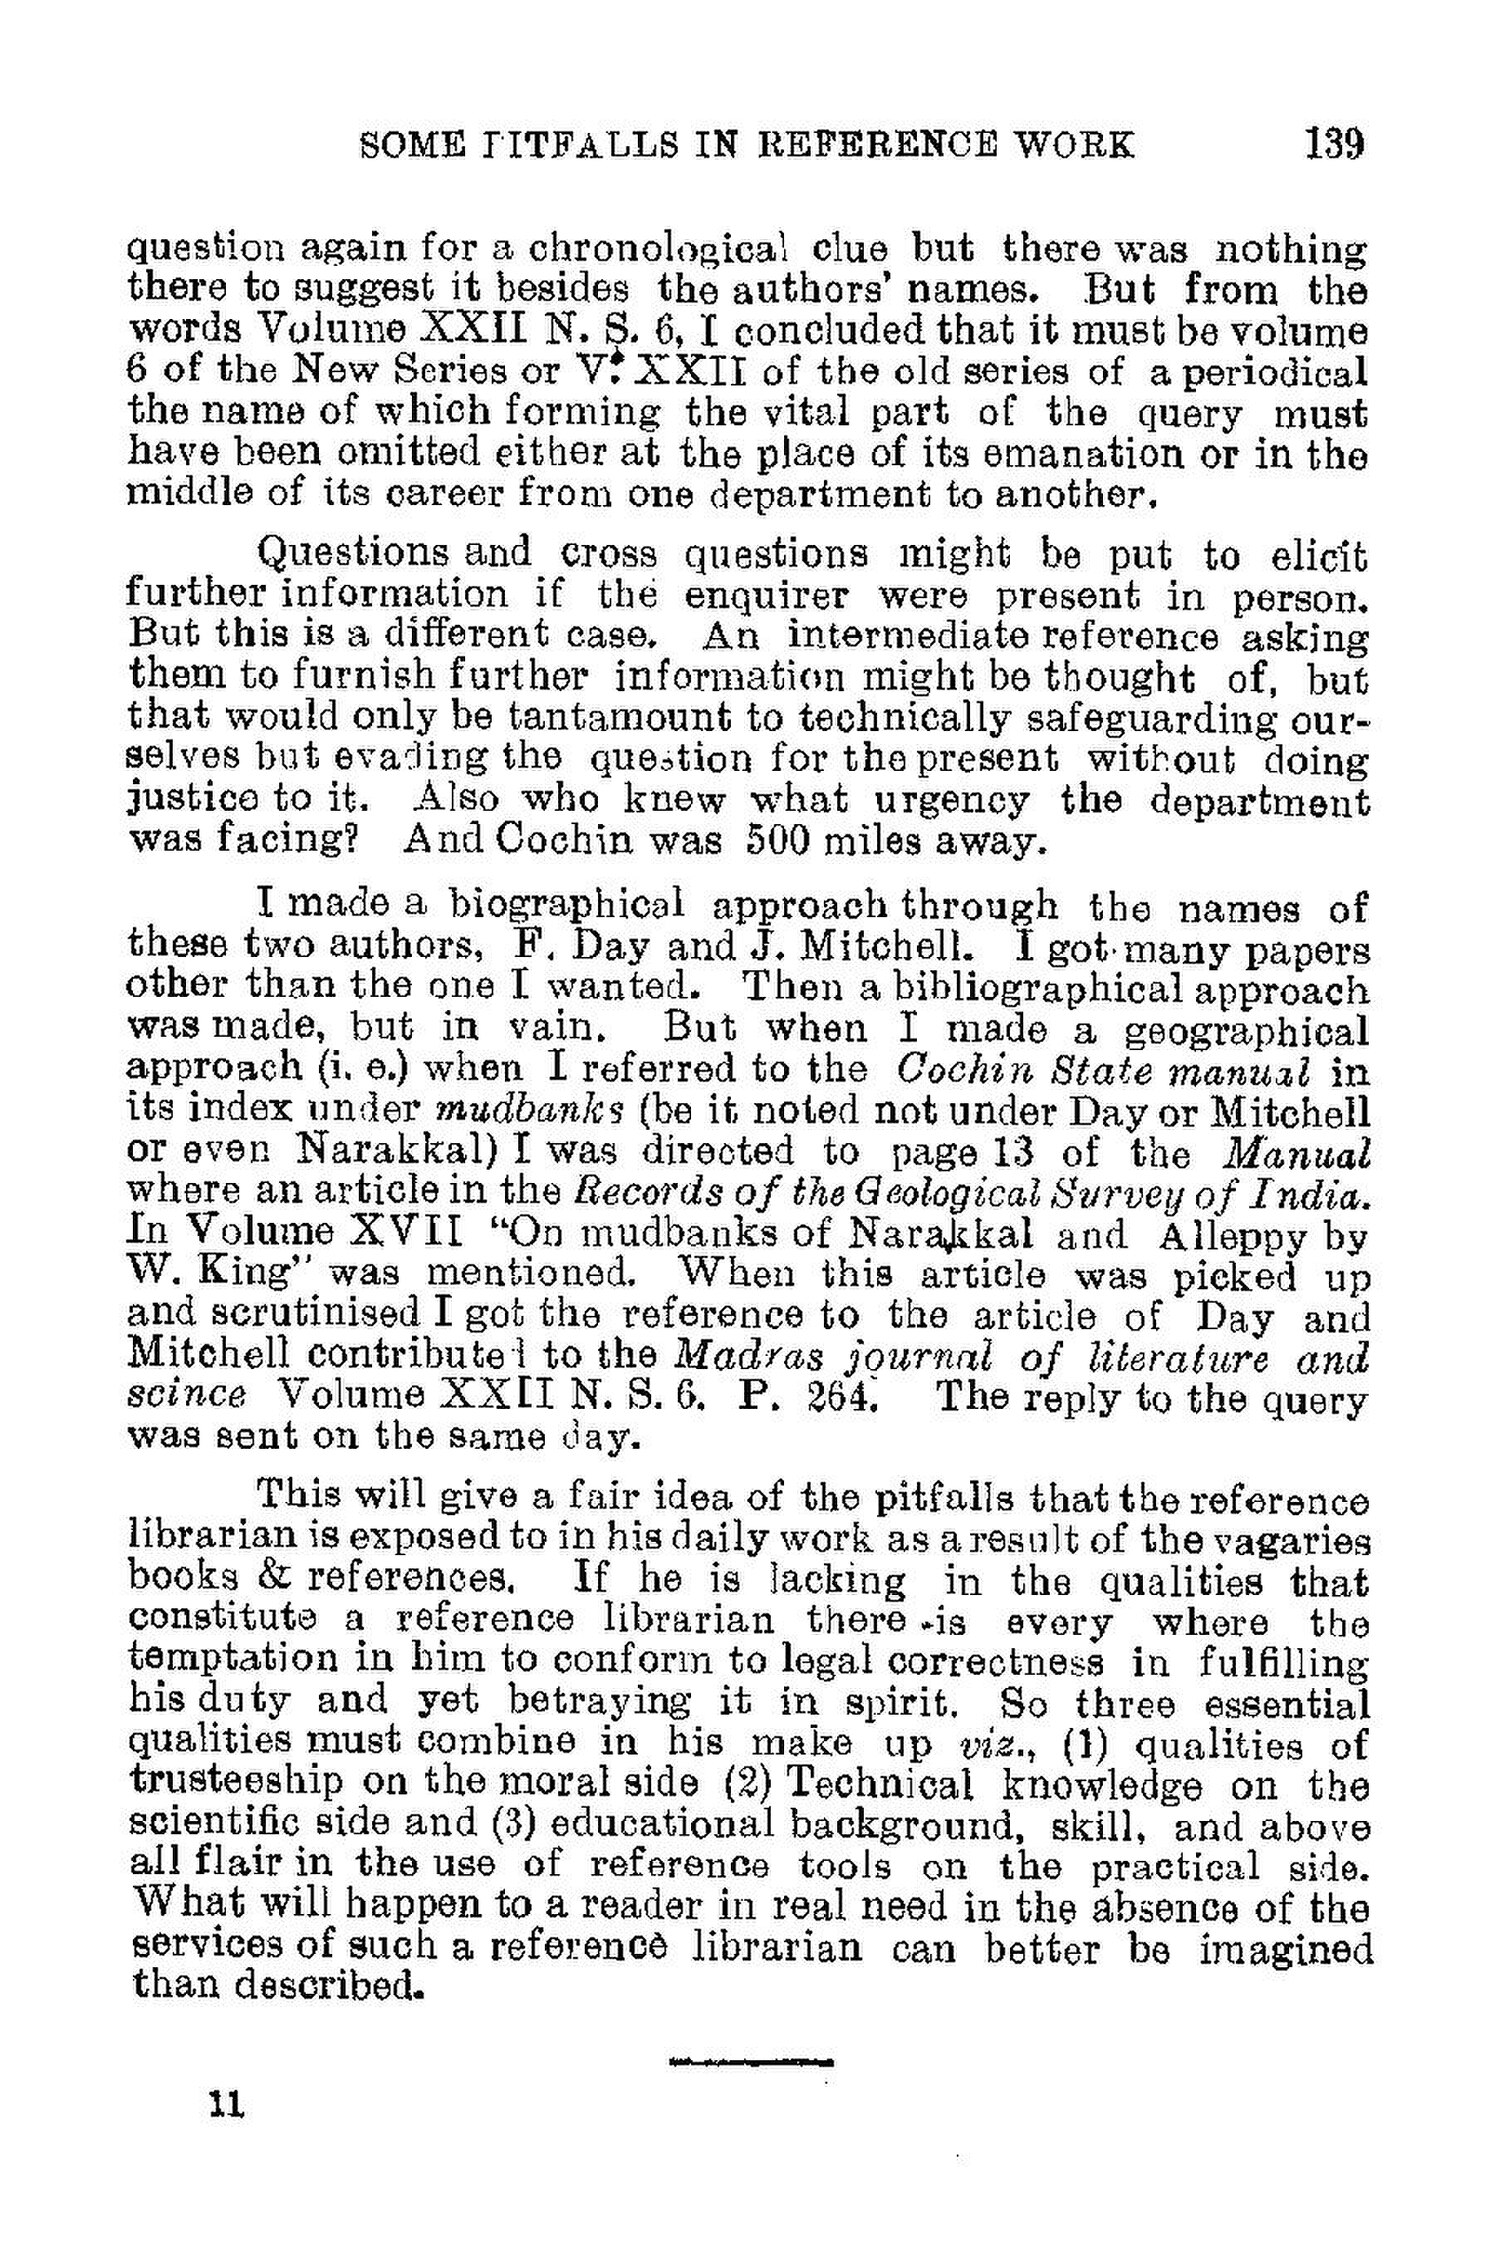question again for a chronological clue but there was nothing there to suggest it besides the authors' 
names. But from the words Volume XXII N. S. 6. I concluded that it must be volume 6 of the New Series or
V. XXII of the old series of a periodical the name of which forming the vital part of the query must
have been omitted either at the place of its emanation or in the middle of its career from one department 
to another.

Questions and cross questions might be put to elicit further information if the enquirer were present in 
person. But this is a different case. An intermediate reference asking them to furnish further information 
might be thought of, but that would only be tantamount to technically safeguarding ourselves but evading the question for the present without doing justice to it. Also who knew what urgency the department was 
facing? And Cochin was 500 miles away.

I made a biographical approach through the names of these two authors, F. Day and J. Mitchell. I got many
papers other than the one I wanted. Then a bibliographical approach was made, but in vain. But when I made a geographical approach (i. e.) when I referred to the Cochin State manual in its index under mudbanks (be it 
noted not under Day or Mitchell or even Narakkal) I was directed to page 13 of the Manual where an article 
in the Records of the Geological Survey of India. In Volume XVII "On mudbanks of Narakkal and Alleppy by
W. King" was mentioned. When this article was picked up and scrutinized I got the reference to the article 
of Day and Mitchell contribute to the Madras journal of literature and science Volume XXII N. S. 6. P. 264. 
The reply to the query was sent on the same day.

This will give a fair idea of the pitfalls that the reference librarian is exposed to in his daily work 
as a result of the vagaries books & references. If he is lacking in the qualities that constitute a 
reference librarian there is every where the temptation in him to conform to legal correctness in 
fulfilling his duty and yet betraying it in spirit. So three essential qualities must combine in his 
make up viz., (1) qualities of trusteeship on the moral side (2) Technical knowledge on the scientific 
side and (3) educational background, skill, and above all flair in the use of reference tools on the 
practical side. What will happen to a reader in real need in the absence of the services of such a 
reference librarian can better be imagined than described.